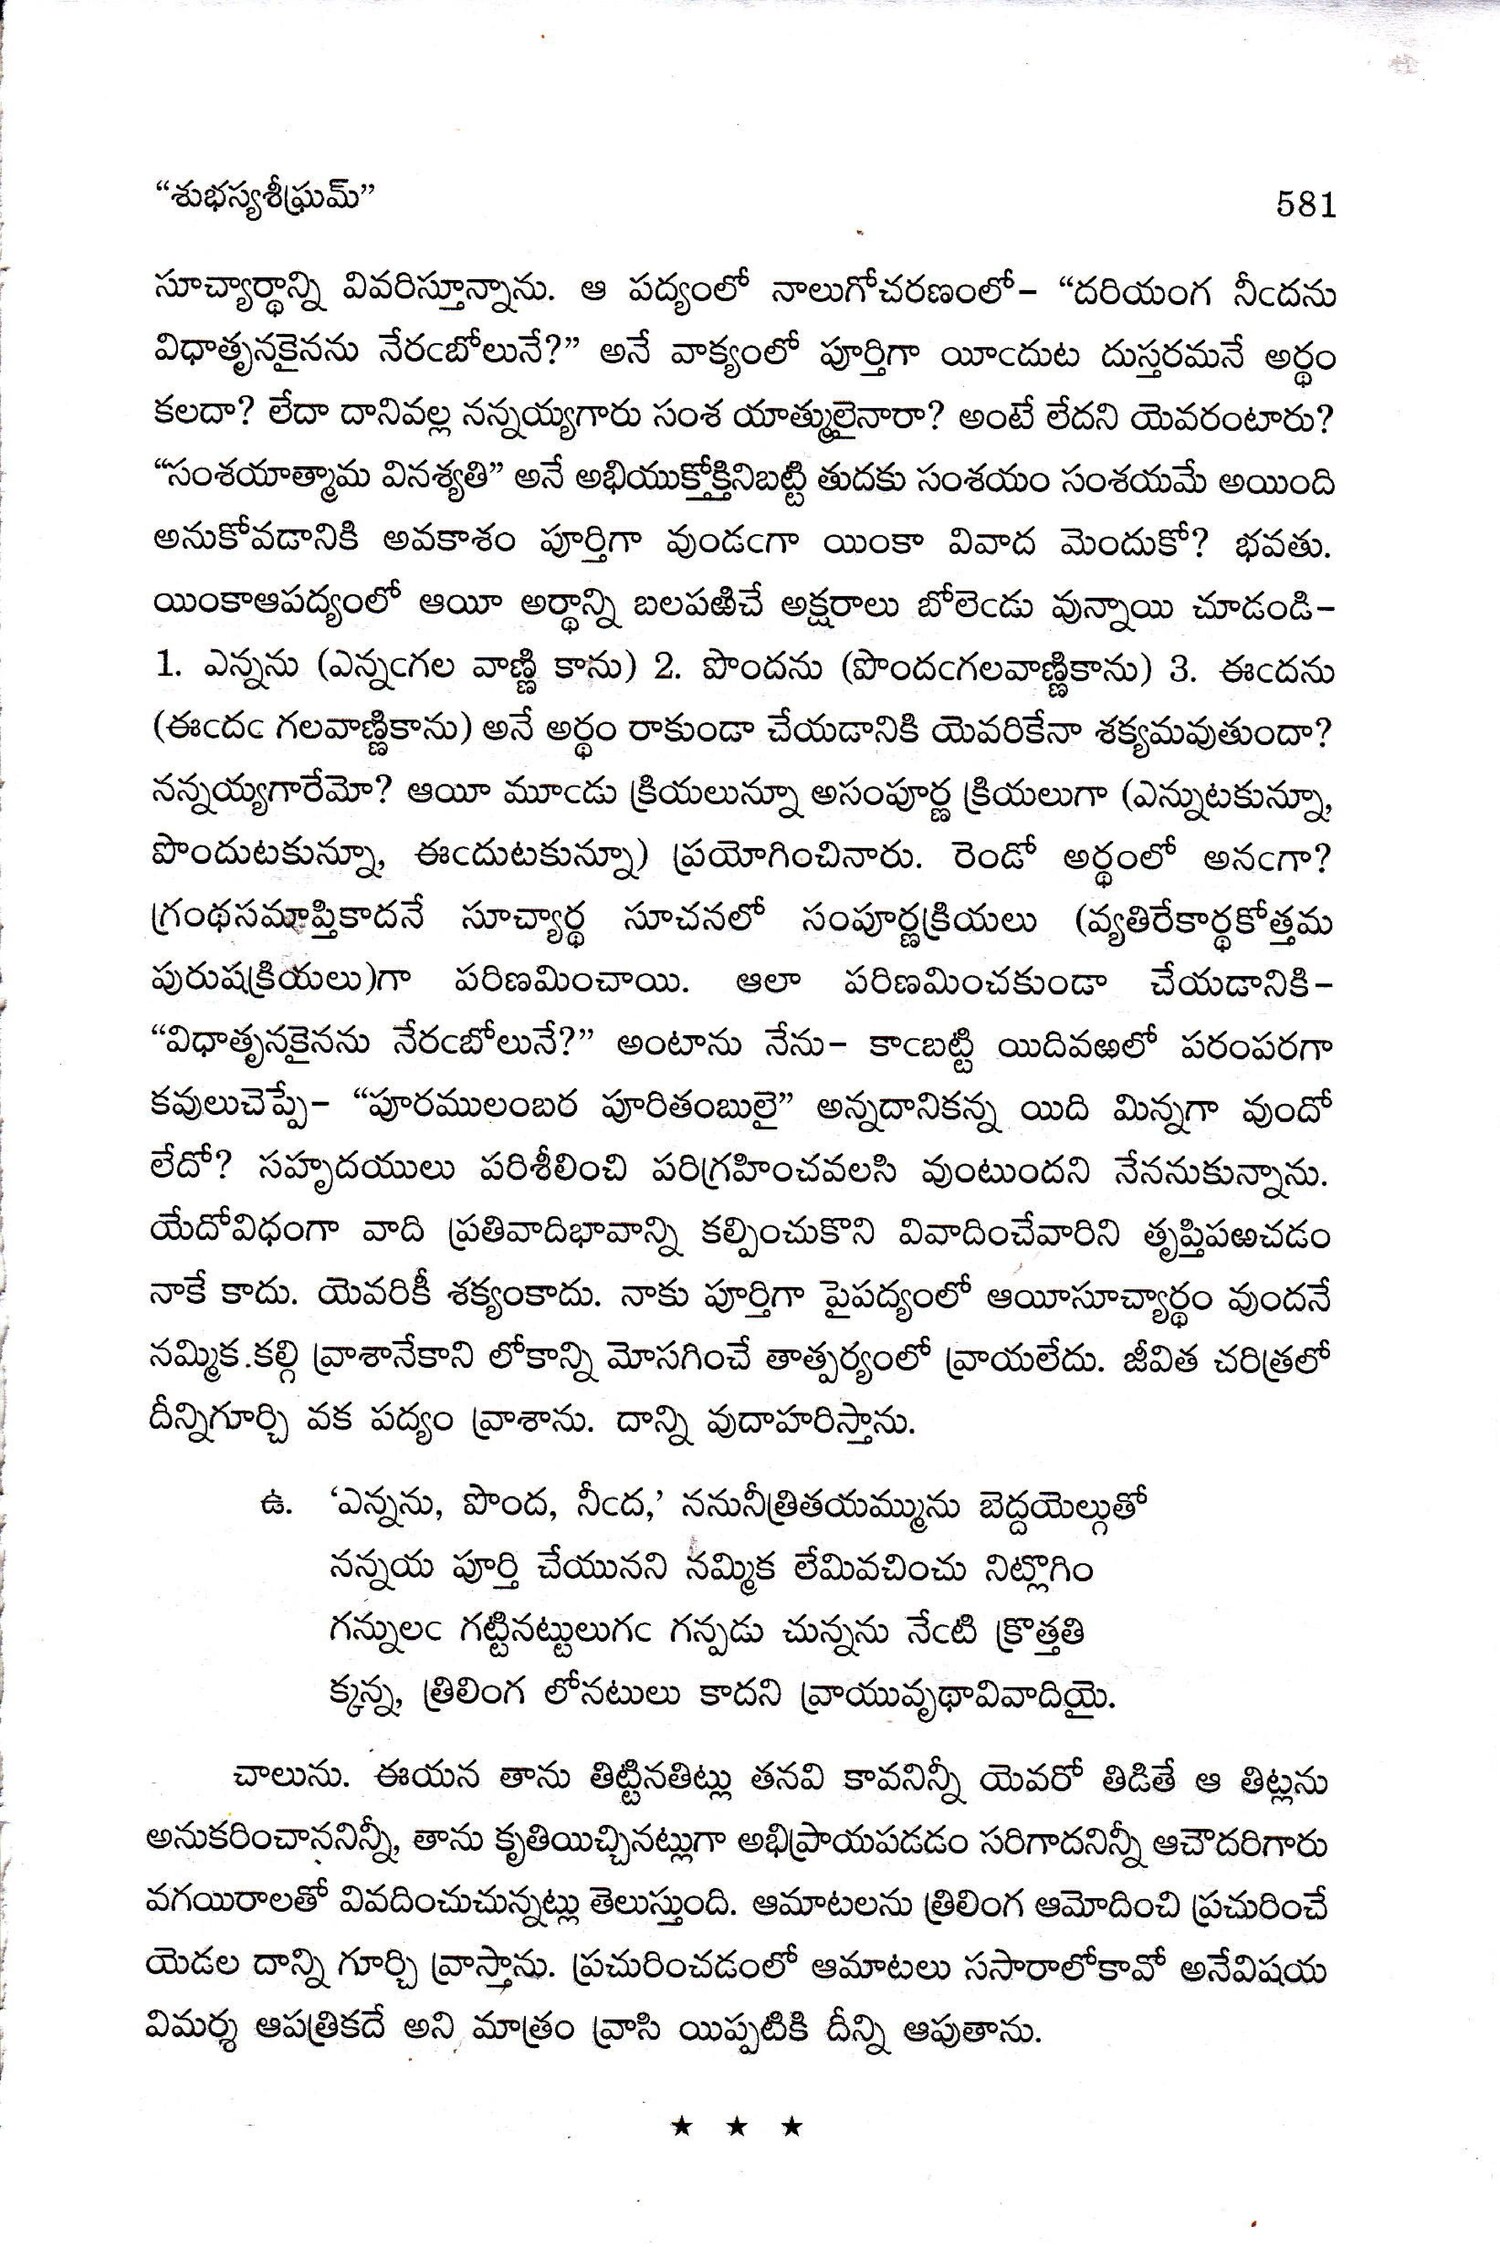సూచ్యార్ధాన్ని వివరిస్తూన్నాను. ఆ పద్యంలో నాలుగోచరణంలో- “దరియంగ నీఁదను విధాతృనకైనను నేరఁబోలునే?” అనే వాక్యంలో పూర్తిగా యీఁదుట దుస్తరమనే అర్థం కలదా? లేదా దానివల్ల నన్నయ్యగారు సంశ యాత్ములైనారా? అంటే లేదని యెవరంటారు? "సంశయాత్మామ వినశ్యతి" అనే అభియుక్తోక్తినిబట్టి తుదకు సంశయం సంశయమే అయింది అనుకోవడానికి అవకాశం పూర్తిగా వుండఁగా యింకా వివాద మెందుకో? భవతు. యింకాఆపద్యంలో ఆయీ అర్ధాన్ని బలపఱిచే అక్షరాలు బోలెఁడు వున్నాయి చూడండి 1. ఎన్నను (ఎన్నఁగల వాణ్ణి కాను) 2. పొందను (పొందఁగలవాణ్ణికాను) 3. ఈcదను (ఈఁదఁ గలవాణ్ణికాను) అనే అర్థం రాకుండా చేయడానికి యెవరికేనా శక్యమవుతుందా? నన్నయ్యగారేమో? ఆయీ మూఁడు క్రియలున్నూ అసంపూర్ణ క్రియలుగా (ఎన్నుటకున్నూ, పొందుటకున్నూ, ఈఁదుటకున్నూ) ప్రయోగించినారు. రెండో అర్థంలో అనఁగా? గ్రంథసమాప్తికాదనే సూచ్యార్థ సూచనలో సంపూర్ణక్రియలు (వ్యతిరేకార్థకోత్తమ పురుషక్రియలు)గా పరిణమించాయి. ఆలా పరిణమించకుండా చేయడానికి “విధాతృనకైనను నేరఁబోలునే?” అంటాను నేను- కాఁబట్టి యిదివఱలో పరంపరగా కవులుచెప్పే - “పూరములంబర పూరితంబులై" అన్నదానికన్న యిది మిన్నగా వుందో లేదో? సహృదయులు పరిశీలించి పరిగ్రహించవలసి వుంటుందని నేననుకున్నాను. యేదోవిధంగా వాది ప్రతివాదిభావాన్ని కల్పించుకొని వివాదించేవారిని తృప్తిపఱచడం నాకే కాదు. యెవరికీ శక్యంకాదు. నాకు పూర్తిగా పైపద్యంలో ఆయీసూచ్యార్థం వుందనే నమ్మిక కల్గి వ్రాశానేకాని లోకాన్ని మోసగించే తాత్పర్యంలో వ్రాయలేదు. జీవిత చరిత్రలో దీన్నిగూర్చి వక పద్యం వ్రాశాను. దాన్ని వుదాహరిస్తాను.

ఉ. 'ఎన్నను, పొంద, నీఁద, ననునీత్రితయమ్మును బెద్దయెల్గుతో 
 నన్నయ పూర్తి చేయునని నమ్మిక లేమివచించు నిట్లొగిం 
 గన్నులఁ గట్టినట్టులుగఁ గన్పడు చున్నను నేఁటి క్రొత్తతి 
 క్కన్న త్రిలింగ లోనటులు కాదని వ్రాయువృథావివాదియై.
చాలును. ఈయన తాను తిట్టినతిట్లు తనవి కావనిన్నీ యెవరో తిడితే ఆ తిట్లను అనుకరించాననిన్నీ తాను కృతియిచ్చినట్లుగా అభిప్రాయపడడం సరిగాదనిన్నీ ఆచౌదరిగారు వగయిరాలతో వివదించుచున్నట్లు తెలుస్తుంది. ఆమాటలను త్రిలింగ ఆమోదించి ప్రచురించే యెడల దాన్ని గూర్చి వ్రాస్తాను. ప్రచురించడంలో ఆమాటలు ససారాలోకావో అనేవిషయ విమర్శ ఆపత్రికదే అని మాత్రం వ్రాసి యిప్పటికి దీన్ని ఆపుతాను.